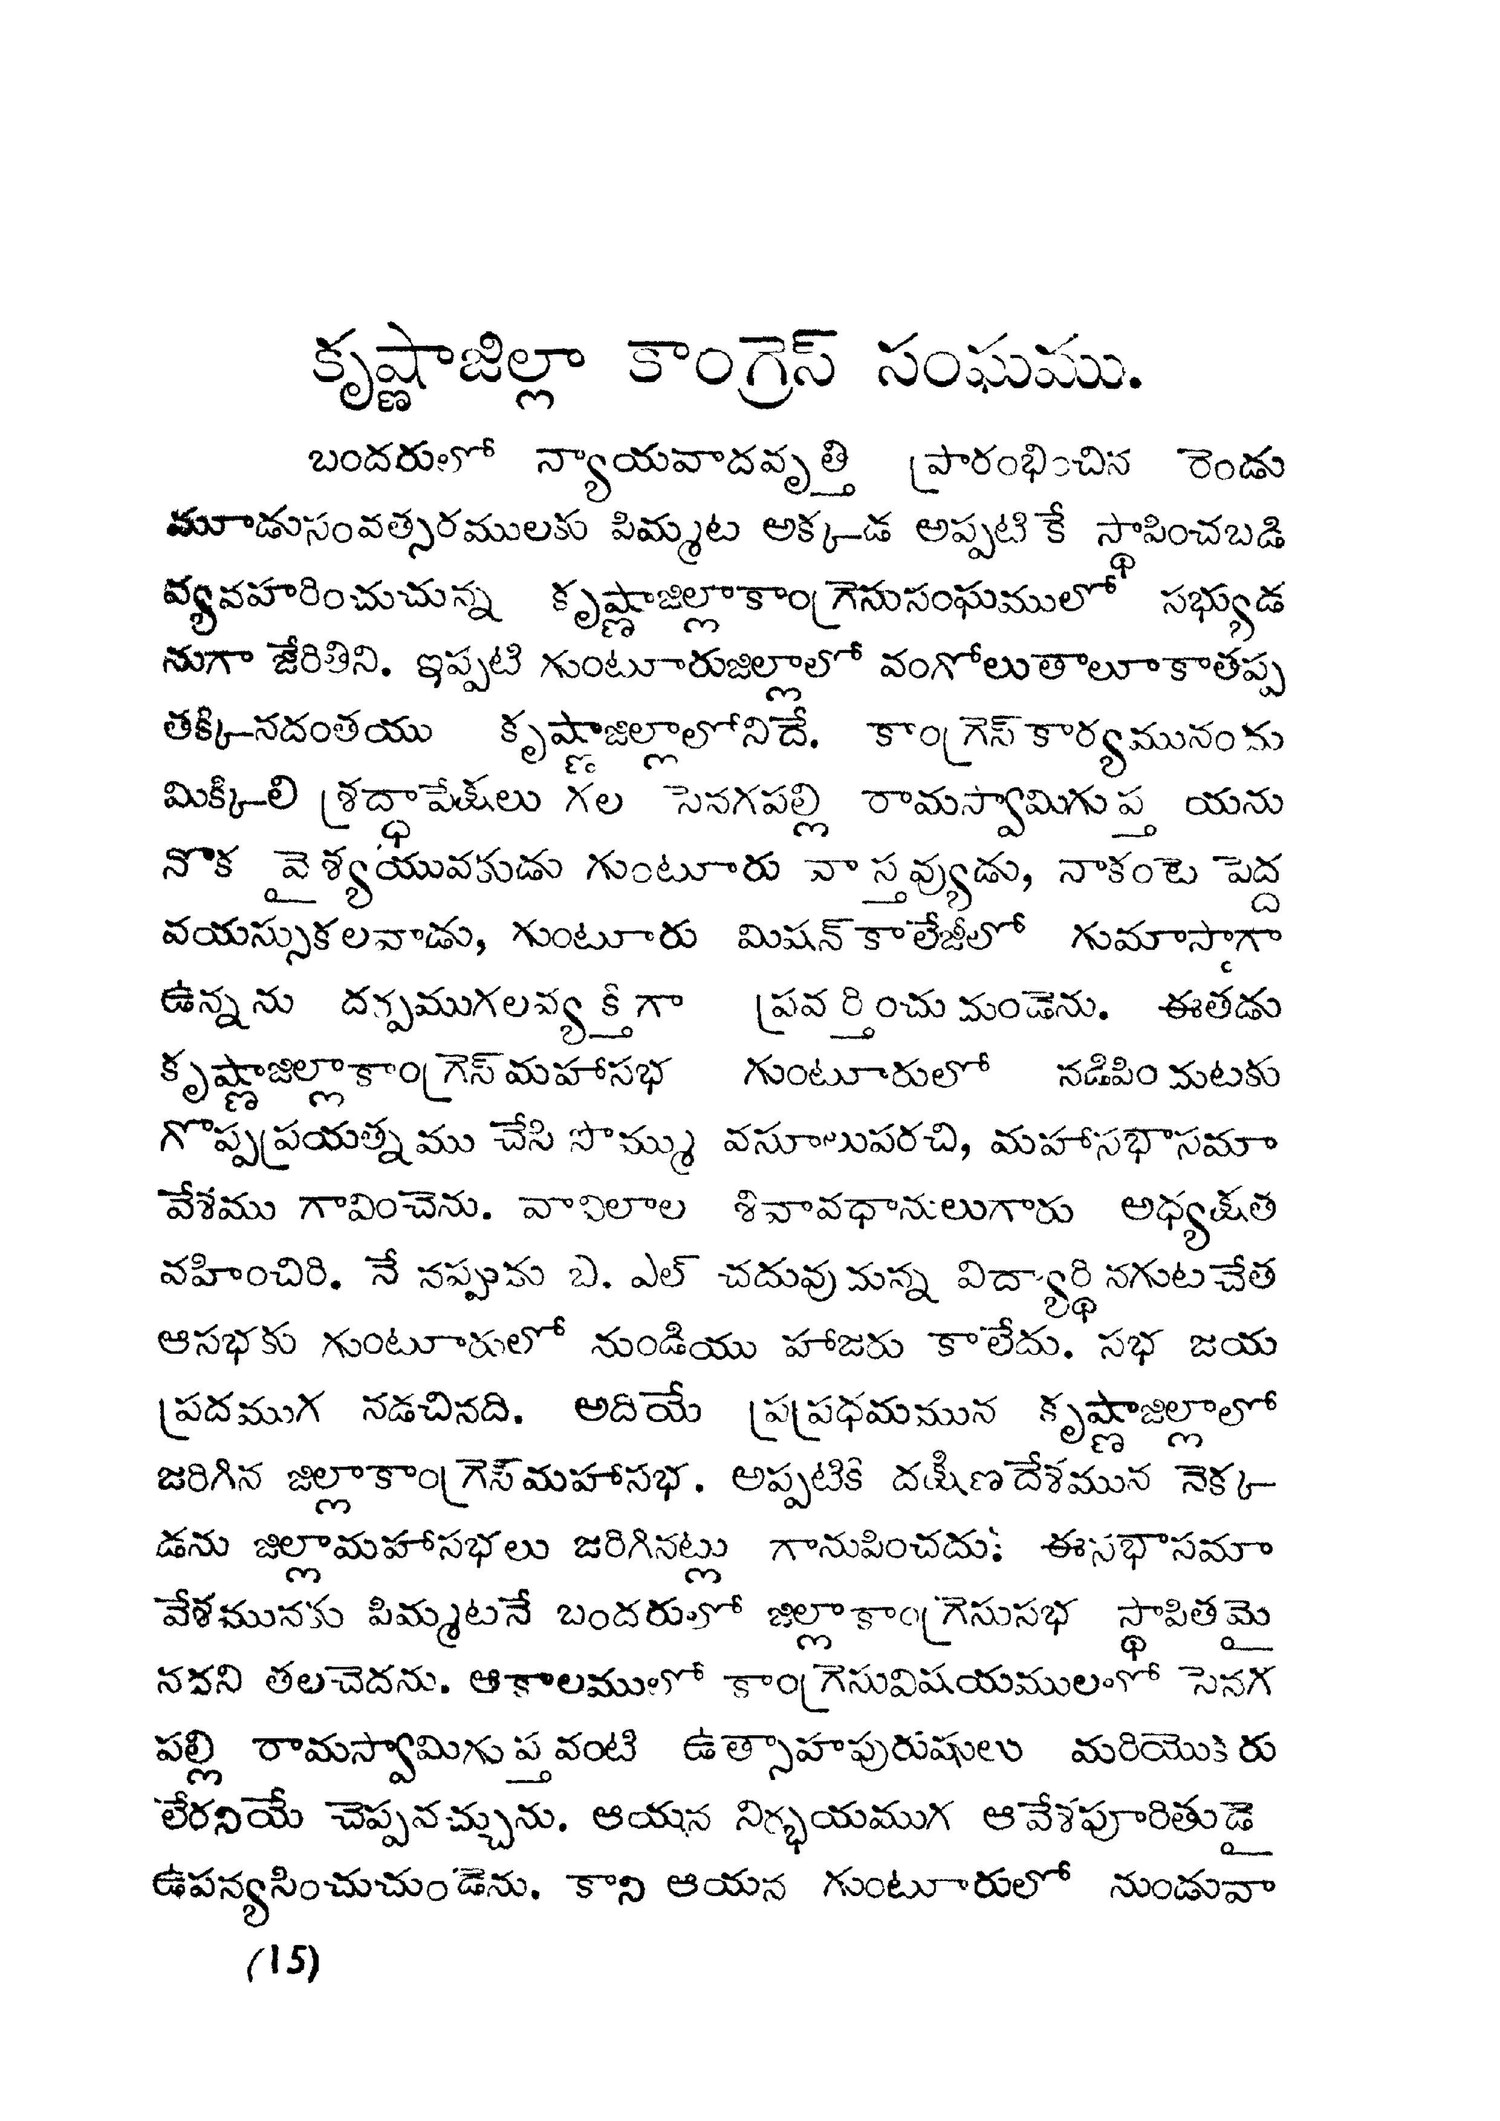బందరులో న్యాయవాదవృత్తి ప్ర్రారంభించిన రెండు మూడుసంవత్సరములకు పిమ్మట అక్కడ అప్పటికే స్థాపించబడి వ్యవహరించుచున్న కృష్ణాజిల్లాకాంగ్రెసుసంఘములో సభ్యుడనుగా జేరితిని. ఇప్పటి గుంటూరుజిల్లాలో వంగోలు తాలూకాతప్ప తక్కినదంతయు కృష్ణాజిల్లాలోనిదే. కాంగ్రెస్‌కార్యమునందు మిక్కిలి శ్రద్ధాపేక్షలు గల సెనగపల్లి రామస్వామిగుప్త యను నొక వైశ్యయువకుడు గుంటూరు వాస్తవ్యుడు, నాకంటె పెద్ద వయస్సుకలవాడు, గుంటూరు మిషన్ కాలేజీలో గుమస్తాగా ఉన్నను దర్పముగలవ్యక్తిగా ప్రవర్తించుచుండెను. ఈతడు కృష్ణాజిల్లాకాంగ్రెస్‌మహాసభ గుంటూరులో నడిపించుటకు గొప్పప్రయత్నము చేసి సొమ్ము వసూలుపరచి, మహాసభాసమావేశము గావించెను. వావిలాల శివావధానులుగారు అధ్యక్షత వహించిరి. నే నప్పుడు బి. ఎల్. చదువుచున్న విద్యార్థినగుటచేత ఆసభకు గుంటూరులో నుండియు హాజరు కాలేదు. సభ జయప్రదముగ నడచినది. అదియే ప్రప్రధమమున కృష్ణాజిల్లాలో జరిగిన జిల్లాకాంగ్రెస్‌మహాసభ. అప్పటికి దక్షిణదేశమున నెక్కడను జిల్లామహాసభలు జరిగినట్లు గానుపించదు. ఈసభాసమావేశమునకు పిమ్మటనే బందరులో జిల్లాకాంగ్రెసుసభ స్థాపితమైనదని తలచెదను. ఆకాలములో కాంగ్రెసువిషయములలో సెనగపల్లి రామస్వామిగుప్తవంటి ఉత్సాహపురుషులు మరియొకరు లేరనియే చెప్పవచ్చును. ఆయన నిర్భయముగ ఆవేశపూరితుడై ఉపన్యసించుచుండెను. కాని ఆయన గుంటూరులో నుండువా